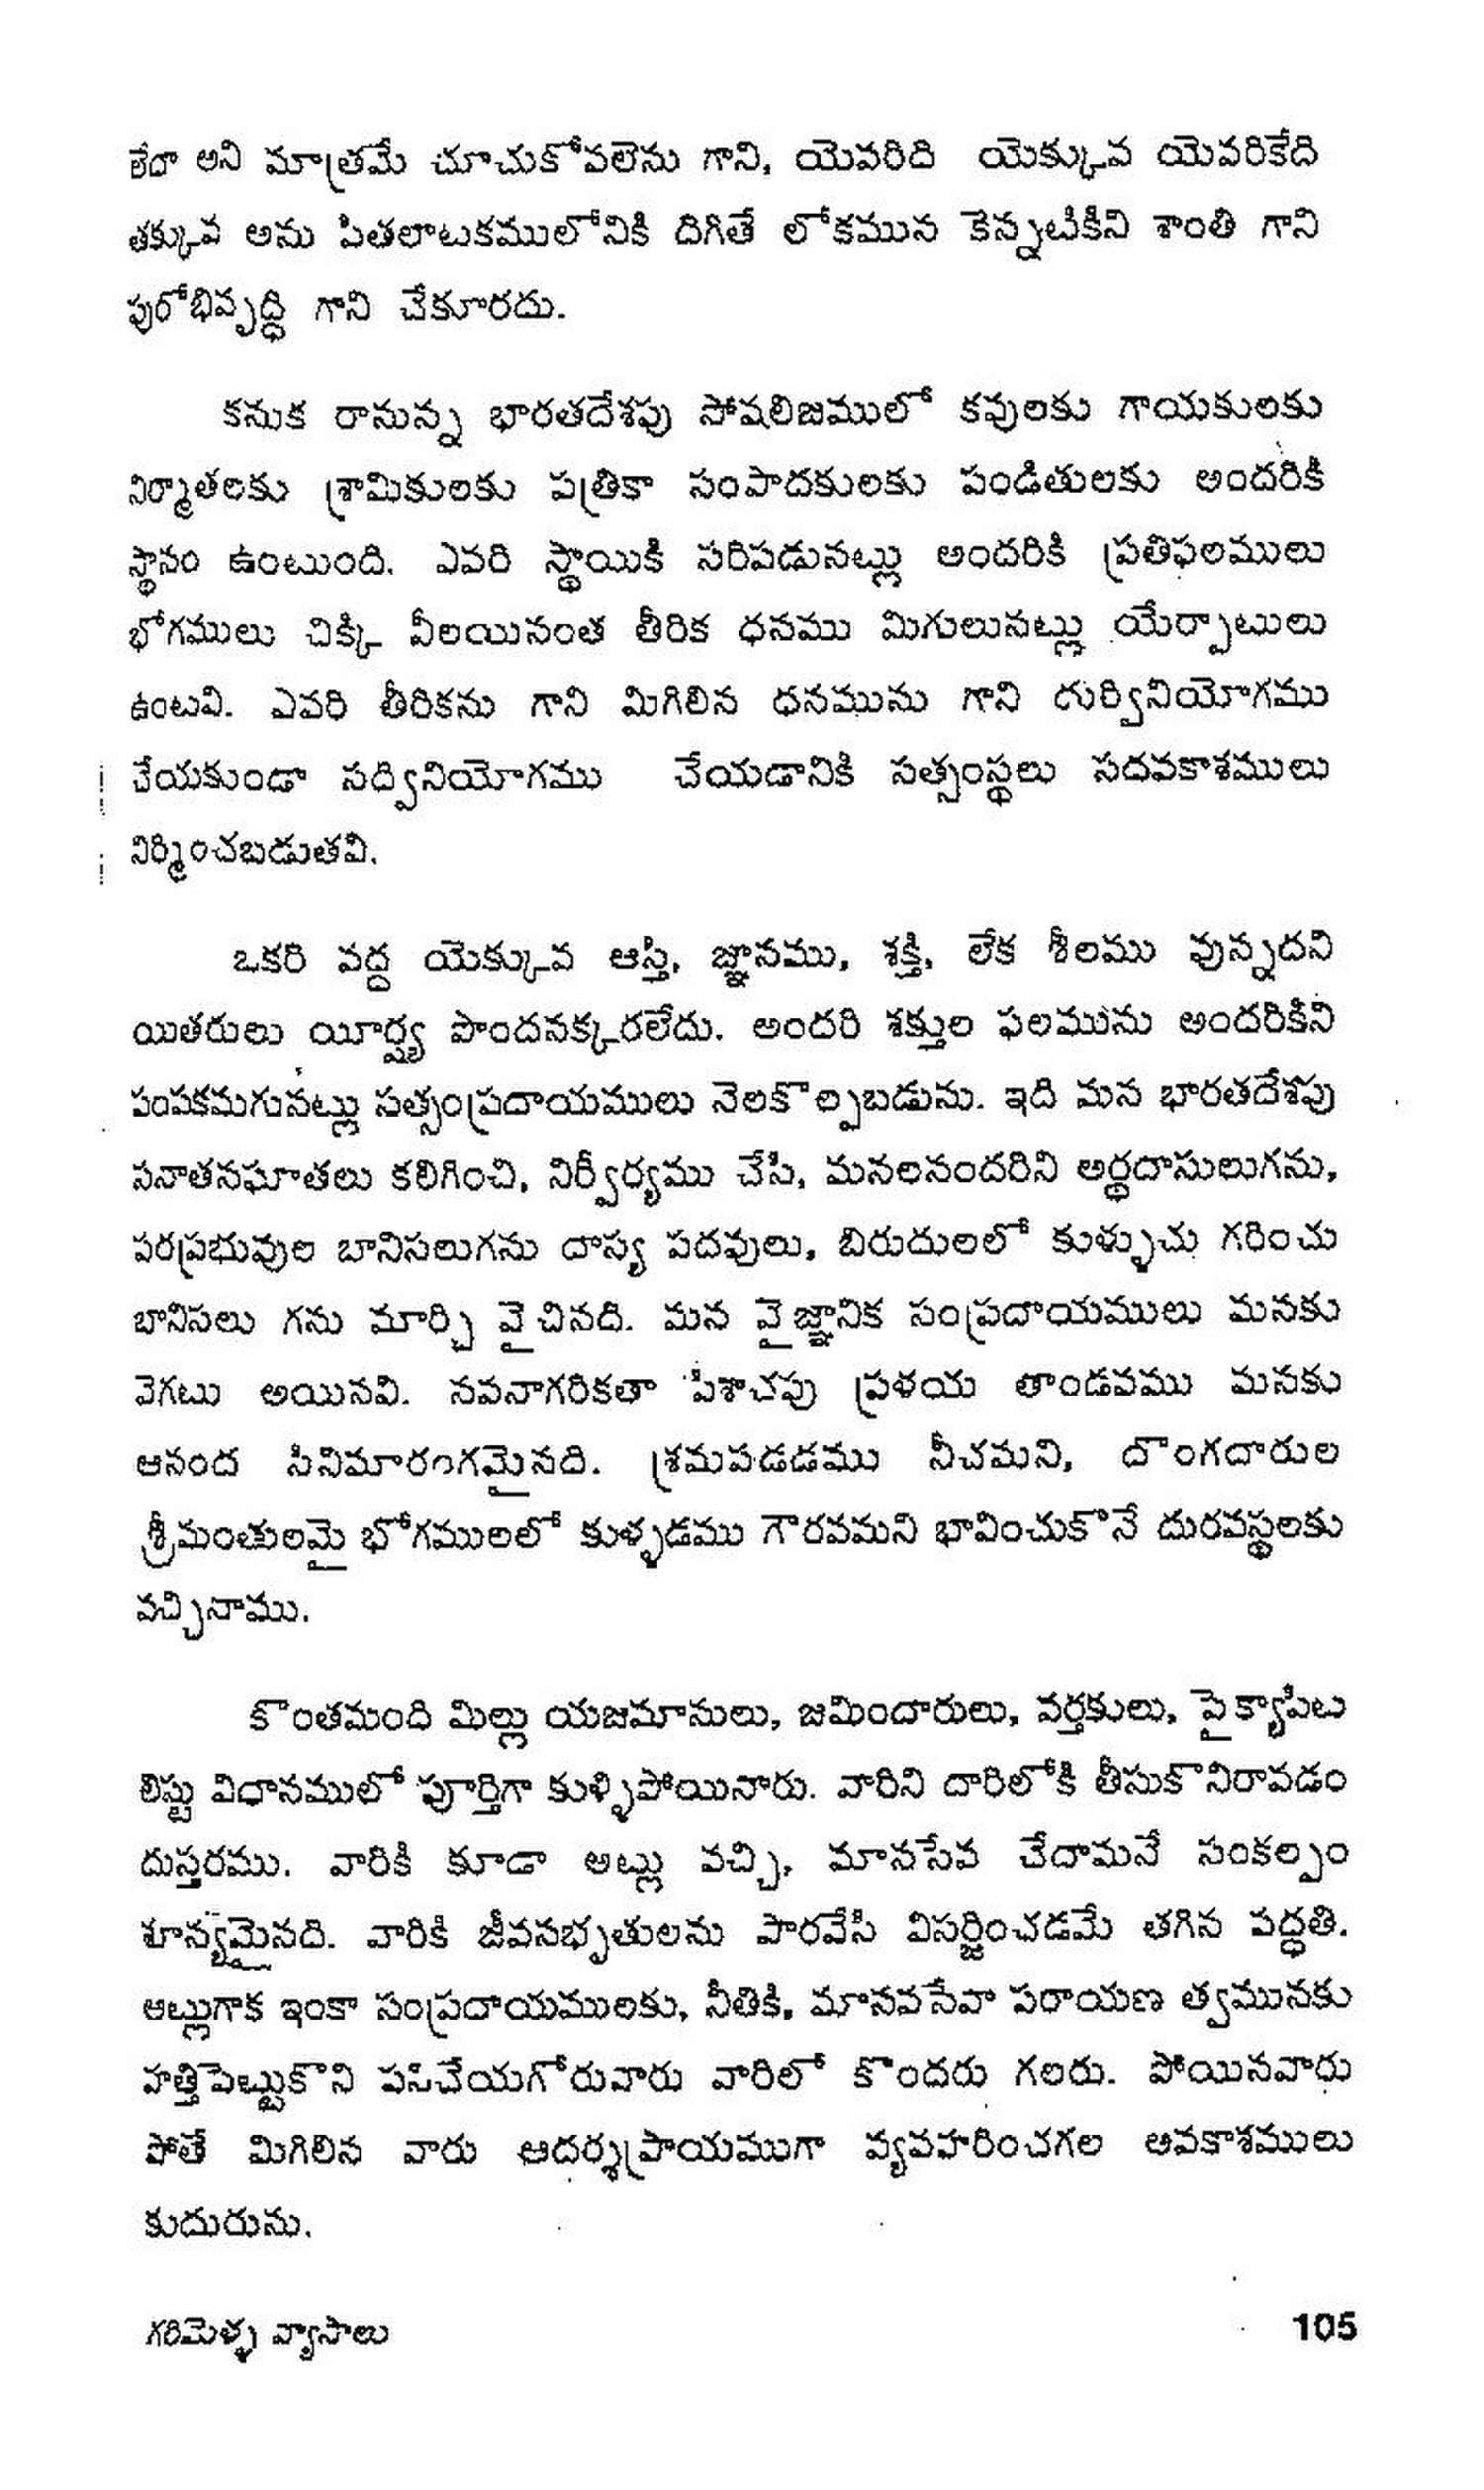లేదా అని మాత్రమే చూచుకోవలెను గాని, యెవరిది యెక్కువ యెవరికేది తక్కువ అను పితలాటకములోనికి దిగితే లోకమున కెన్నటికిని శాంతి గాని పురోభివృద్ధి గాని చేకూరదు.

కనుక రానున్న భారతదేశపు సోషలిజములో కవులకు గాయకులకు నిర్మాతలకు శ్రామికులకు పత్రికా సంపాదకులకు పండితులకు అందరికి స్థానం ఉంటుంది. ఎవరి స్థాయికి సరిపడునట్లు అందరికి ప్రతిఫలములు భోగములు చిక్కి వీలయినంత తీరిక ధనము మిగులునట్లు యేర్పాటులు ఉంటవి. ఎవరి తీరికను గాని మిగిలిన ధనమును గాని దుర్వినియోగము చేయకుండా సద్వినియోగము చేయడానికి సత్సంస్థలు సదవకాశములు నిర్మించబడుతవి.

ఒకరి వద్ద యెక్కువ ఆస్తి, జ్ఞానము, శక్తి, లేక శీలము వున్నదని యితరులు యీర్ష్య పొందనక్కరలేదు. అందరి శక్తుల ఫలమును అందరికిని పంపకమగునట్లు సత్సంప్రదాయములు నెలకొల్పబడును. ఇది మన భారతదేశపు సనాతనఘాతలు కలిగించి, నిర్వీర్యము చేసి, మనలనందరిని అర్థదాసులుగను, పరప్రభువుల బానిసలుగను దాస్య పదవులు, బిరుదులలో కుళ్ళుచు గరించు బానిసలు గను మార్చి వైచినది. మన వైజ్ఞానిక సంప్రదాయములు మనకు వెగటు అయినవి. నవనాగరికతా పిశాచపు ప్రళయ తాండవము మనకు ఆనంద సినిమారంగమైనది. శ్రమపడడము నీచమని, దొంగదారుల శ్రీమంతులమై భోగములతో కుళ్ళడము గౌరవమని భావించుకొనే దురవస్థలకు వచ్చినాము.

కొంతమంది మిల్లు యజమానులు, జమిందారులు, వర్తకులు, పైక్యాపిటలిస్టు విధానములో పూర్తిగా కుళ్ళిపోయినారు. వారిని దారిలోకి తీసుకొనిరావడం దుస్తరము. వారికి కూడా అట్లు వచ్చి, మానవసేవ చేదామనే సంకల్పం శూన్యమైనది. వారికి జీవనభృతులను పారవేసి విసర్జించడమే తగిన పద్ధతి. అట్లుగాక ఇంకా సంప్రదాయములకు, నీతికి, మానవసేవా పరాయణ త్వమునకు హత్తిపెట్టుకొని పనిచేయగోరువారు వారిలో కొందరు గలరు. పోయినవారు పోతే మిగిలిన వారు ఆదర్శప్రాయముగా వ్యవహరించగల అవకాశములు కుదురును.